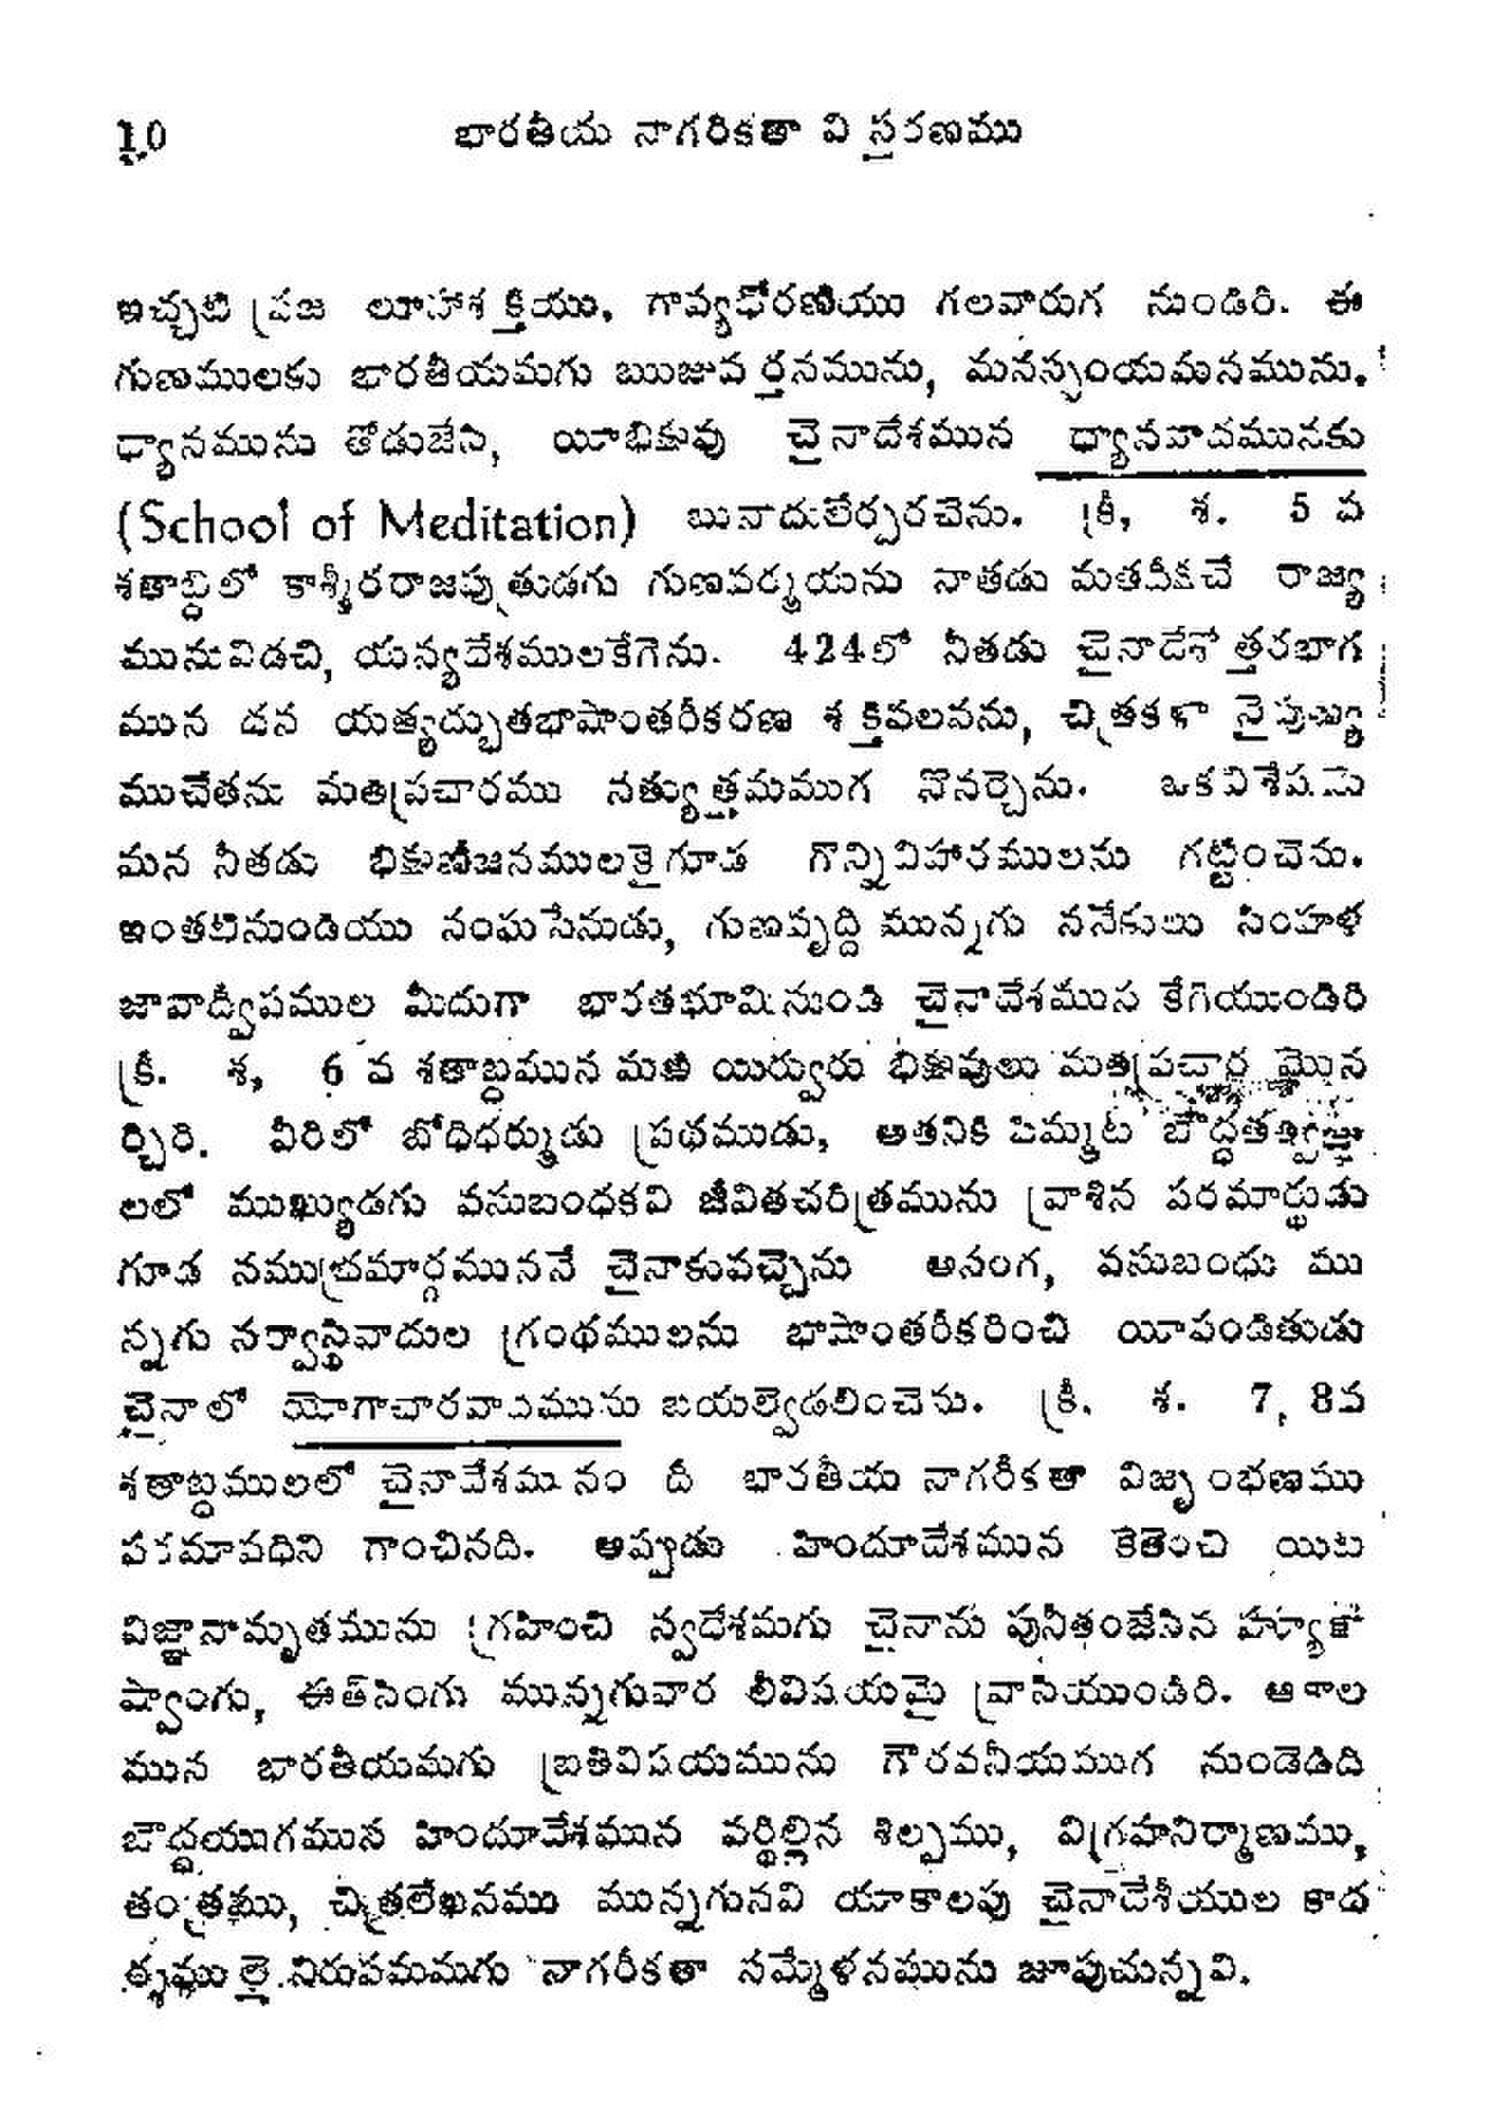ఇచ్చటి ప్రజ లూహాశక్తియు, గావ్యధోరణియు గలవారుగ నుండిరి. ఈ గుణములకు భారతీయమగు ఋజువర్తనమును, మనస్సంయమనమును, ధ్యానమును తోడుజేసి, యీభిక్షవు చైనాదేశమున ధ్యానవాదమునకు (School of Meditation) బునాదులేర్పరచెను. క్రీ. శ. 5 వ శతాబ్దిలో కాశ్మీరరాజపుత్రుడగు గుణవర్మయను నాతడు మతదీక్షచే రాజ్యమునువిడచి, యన్యదేశములకేగెను. 424లో నీతడు చైనాదేశోత్తరభాగమున దన యత్యద్భుతభాషాంతరీకరణ శక్తివలనను, చిత్రకళా నైపుణ్యముచేతను మతప్రచారము నత్యుత్తమముగ నొనర్చెను. ఒకవిశేషమేమన నీతడు భిక్షుణీజనములకైగూడ గొన్నివిహారములను గట్టించెను. ఇంతటినుండియు సంఘసేనుడు, గుణవృద్ది మున్నగు ననేకులు సింహళ జావాద్వీపముల మీదుగా భారతభూమినుండి చైనాదేశమున కేగియుండిరి. క్రీ. శ. 6 వ శతాబ్దమున మఱి యిర్వురు భిక్షువులు మతప్రచార మొనర్చిరి. వీరిలో బోదిధర్ముడు ప్రథముడు, అతనికి పిమ్మట బౌద్దతత్వజ్ఞులలో ముఖ్యుడగు వసుబంధకవి జీవితచరిత్రమును వ్రాశిన పరమార్థుడుగూడ సముద్రమార్గముననే చైనాకువచ్చెను. అనంగ, వసుబంధు మున్నగు సర్వాస్థివాదుల గ్రంథములను భాషాంతరీకరించి యీపండితుడు చైనాలో యోగాచారవాదమును బయల్వెడలించెను. క్రీ. శ. 7, 8వ శతాబ్దములలో చైనాదేశము నం దీ భారతీయ నాగరీకతా విజృంభణము పరమావధిని గాంచినది. అప్పుడు హిందూదేశమున కేతెంచి యిట విజ్ఞానామృతమును గ్రహించి స్వదేశమగు చైనాను పునీతంజేసిన హ్యూన్ ష్వాంగు, ఈత్‌సింగు మున్నగువార లీవిషయమై వ్రాసియుండిరి. అ కాలమున భారతీయమగు బ్రతివిషయమును గౌరవనీయముగ నుండెడిది. బౌద్దయుగమున హిందూదేశమున వర్థిల్లిన శిల్పము, విగ్రహనిర్మాణము, తంత్రము, చిత్రలేఖనము మున్నగునవి యాకాలపు చైనాదేశీయుల కాదర్శములై నిరుపమమగు నాగరీకతా సమ్మేళనమును జూపుచున్నవి.